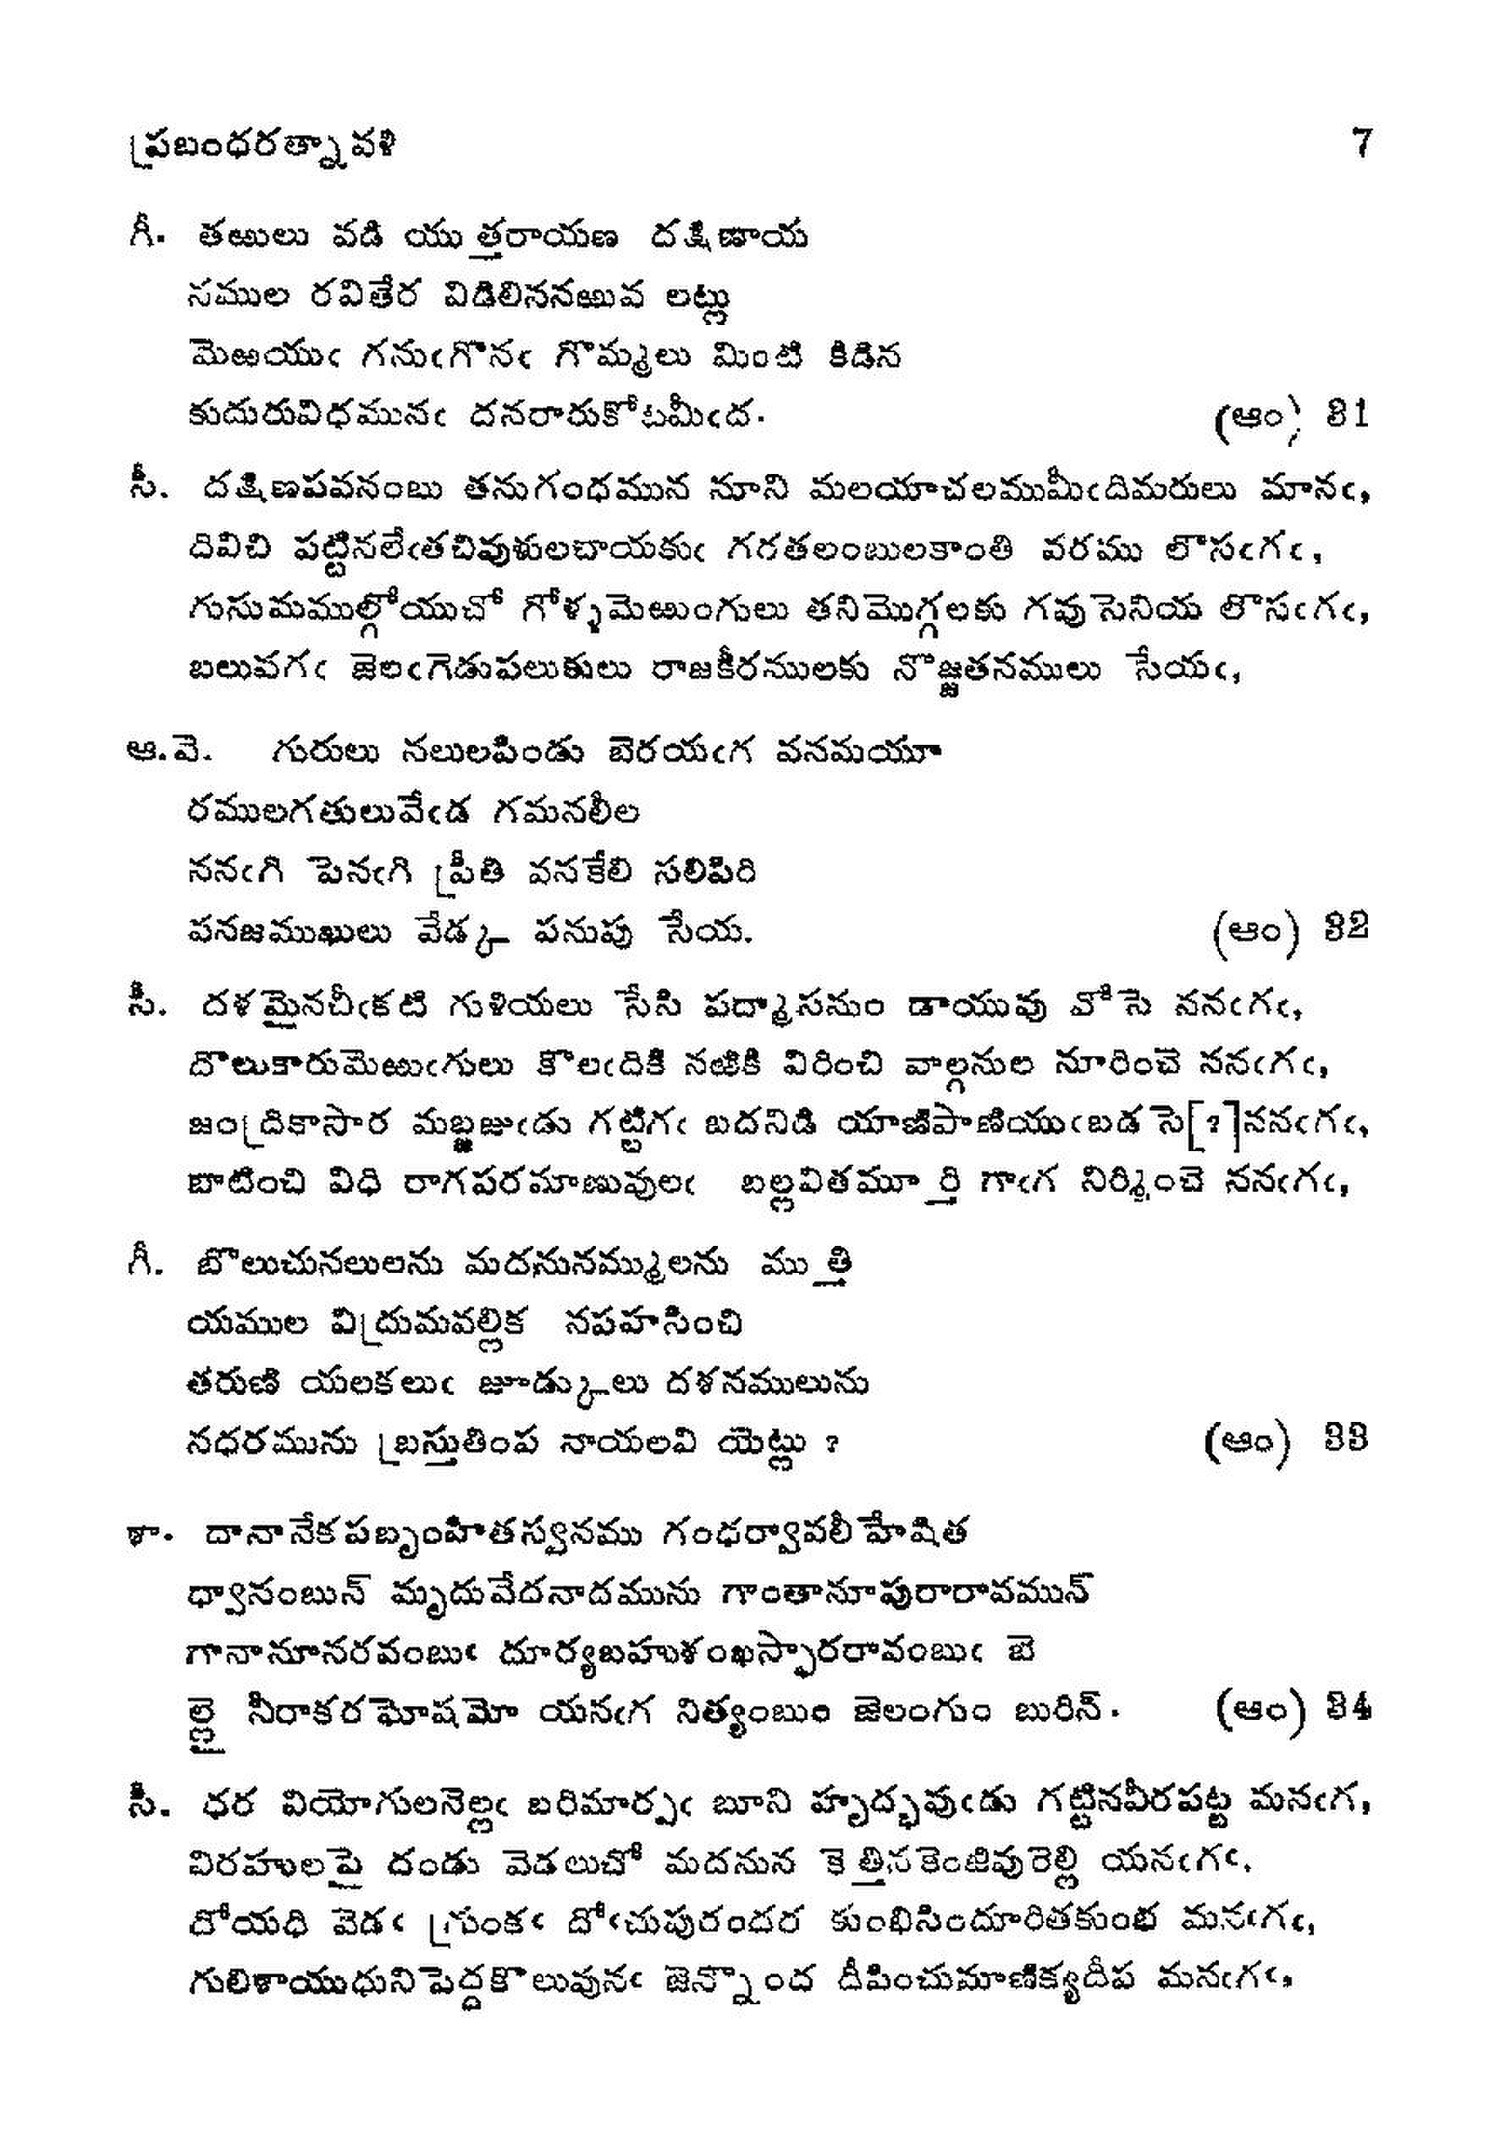తే. తరులు వడి యుత్తరాయణ, దక్షిణాయ
నముల రవితేర విడిలిన నఱువలట్లు
మెఱయుఁ గనుఁగొనఁ గొమ్మలు మింటి కిడిన
కుదురువిధమునఁ దనరారు కోటమీఁద. (ఆం) 31

సీ. దక్షిణపవనంబు తనుగంధమున నూని మలయాచలముమీఁది మరులు మానఁ,
దివిచి పట్టిన లేఁతచివుళులచాయకుఁ గరతలంబులకాంతి వరము లొసఁగఁ,
గుసుమముల్ గోయుచో గోళ్ళమెఱుంగులు తని మొగ్గలకు గవుసెనియ లొసఁగఁ,
బలువగఁ జెలఁగెడు పలుకులు రాజకీ రములకు నొజ్జతనములు సేయఁ,
గీ. గురులు నలులపిండు బెరయఁగ వనమయూ
రములగతులువేఁడ గమనలీల
ననఁగి పెనఁగి ప్రీతి వనకేలి సలిపిరి
వనజముఖులు వేడ్కఁ బనుపు సేయ. (ఆం) 32

సీ. దళమైనచీఁకటి గుళియలు సేసి ప ద్మాసనుం డాయువు వోసె ననఁగఁ,
దొలుకారుమెఱుఁగులు కొలదిఁకి నఱికి వి రించి వాల్గనుల నూరించె ననఁగఁ,
జంద్రికాసార మబ్జజుఁడు గట్టిగఁ బద నిడి యాణిపాణియుఁ బడసె[?] ననఁగఁ,
బాటించి విధి రాగపరమాణువునఁ బల్ల వితమూర్తి గాఁగ నిర్మించె ననఁగఁ,
తే. బొలచునలులను మదనునమ్ములను ముత్తి
యముల విద్రుమవల్లిక నపహసించి
తరుణి యలకలుఁ జూడ్కులు దశనములును
నధరమును బ్రస్తుతింప నాయలవి యెట్లు? (ఆం) 33

శా. దానానేకపబృంహితస్వనము గంధర్వావలీహేషిత
ధ్వానంబున్ మృదువేదనాదమును గాంతానూపురారావమున్
గానానూనరవంబుఁ దూర్యబహుశంఖస్ఫారరావంబుఁ బె
ల్లై నీరాకరఘోషమో యనఁగ నిత్యంబుం జెలంగుం బురిన్. (ఆం) 34

సీ. ధర వియోగులనెల్లఁ బరిమార్పఁ బూని హృ ద్భవుఁడు గట్టిన వీరపట్ట మనఁగ,
విరహులపై దండు వెడలుచో మదనున కెత్తిన కెంజివురెల్లి యనఁగ,
దోయధి వెడఁ గ్రుంక దోఁచుపురందర కుంభిసిందూరితకుంభ మనఁగఁ,
గులిశాయుధుని పెద్దకొలువునఁ జెన్నొంద దీపించు మాణిక్యదీప మనఁగఁ,